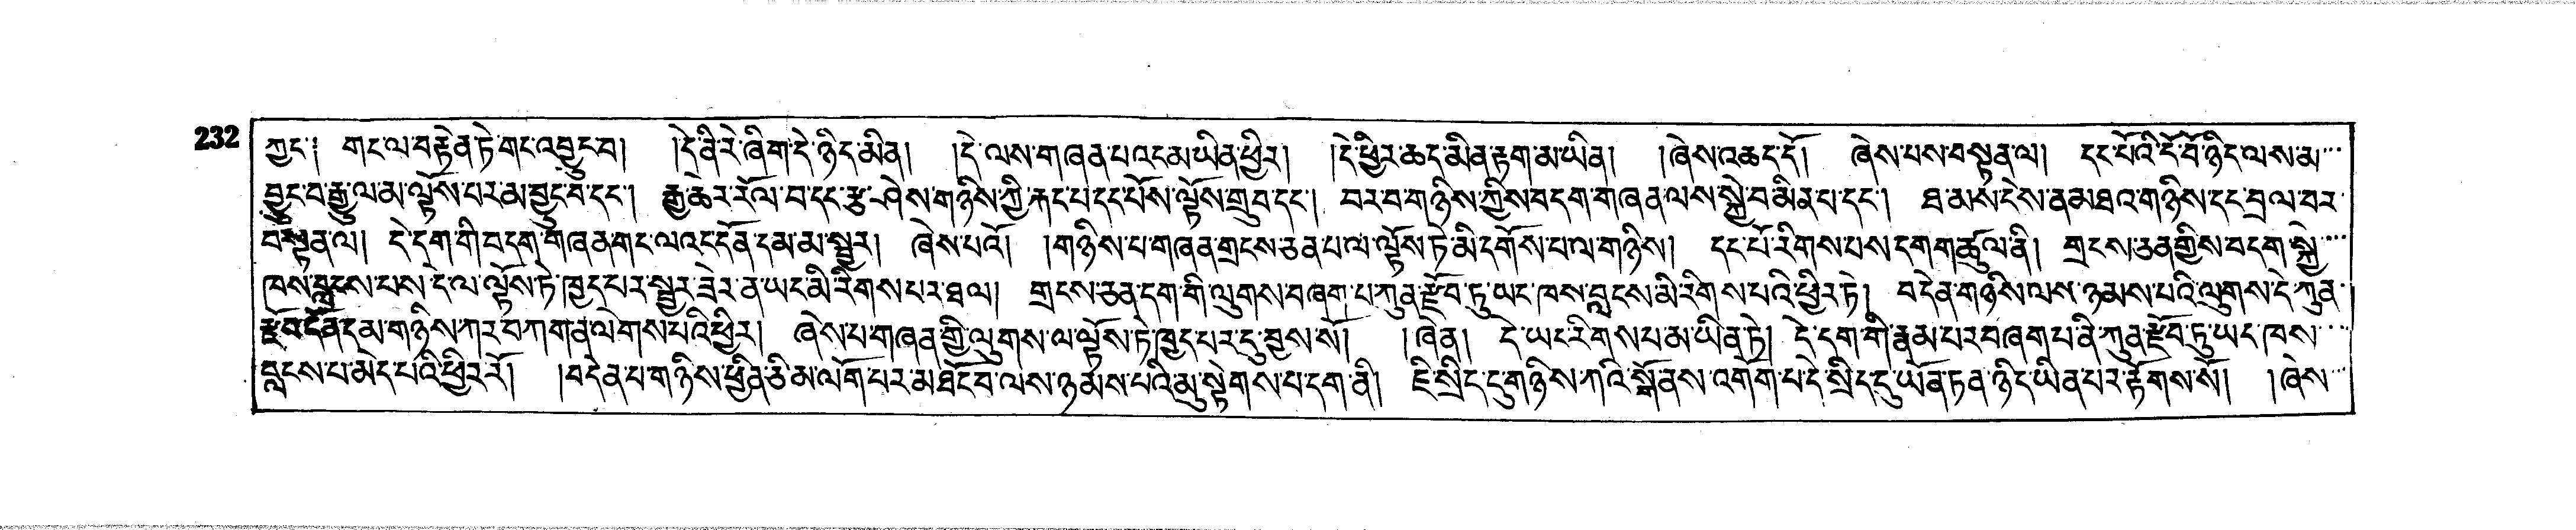ཀྱང་། གང་ལ་བརྟེན་ཏེ་གང་འབྱུང་བ། །དེ་ནི་རེ་ཞིག་དེ་ཉིད་མིན། །དེ་ལས་གཞན་པའང་མ་ཡིན་ཕྱིར། །དེ་ཕྱིར་ཆད་མིན་རྟག་མ་ཡིན། །ཞེས་འཆད་དོ། ཞེས་པས་བསྟན་ལ། དང་པོའི་ངོ་བོ་ཉིད་ལས་མ་
བྱུང་བ་རྒྱུ་ལ་མ་ལྟོས་པར་མ་བྱུང་བ་དང་། རྒྱ་ཆེར་རོལ་བ་དང་རྩ་ཤེས་གཉིས་ཀྱི་རྐང་པ་དང་པོས་ལྟོས་གྲུབ་དང་། བར་བ་གཉིས་ཀྱིས་བདག་གཞན་ལས་སྐྱེ་བ་མིན་པ་དང་། ཐ་མས་ངེས་ན་མཐའ་གཉིས་དང་བྲལ་བར་
བསྟན་ལ། དེ་དག་གི་བདག་གཞན་གང་ལའང་དོན་དམ་མ་སྦྱར། ཞེས་པའོ། །གཉིས་པ་གཞན་གྲངས་ཅན་པ་ལ་ལྟོས་ཏེ་མི་དགོས་པ་ལ་གཉིས། དང་པོ་རིགས་པས་དགག་ཚུལ་ནི། གྲངས་ཅན་གྱིས་བདག་སྐྱེ་
ཁས་བླངས་པས་དེ་ལ་ལྟོས་ཏེ་ཁྱད་པར་སྦྱར་ཟེར་ན་ཡང་མི་རིགས་པར་ཐལ། གྲངས་ཅན་དག་གི་ལུགས་བཞག་པ་ཀུན་རྫོབ་ཏུ་ཡང་ཁས་བླངས་མི་རིགས་པའི་ཕྱིར་ཏེ། བདེན་གཉིས་ལས་ཉམས་པའི་ལུགས་དེ་ཀུན་
རྫོབ་དོན་དམ་གཉིས་ཀར་བཀག་ན་ལེགས་པའི་ཕྱིར། ཞེས་པ་གཞན་གྱི་ལུགས་ལ་ལྟོས་ཏེ་ཁྱད་པར་དུ་བྱས་སོ། །ཞེ་ན། དེ་ཡང་རིགས་པ་མ་ཡིན་ཏེ། དེ་དག་གི་རྣམ་པར་བཞག་པ་ནི་ཀུན་རྫོབ་ཏུ་ཡང་ཁས་
བླངས་པ་མེད་པའི་ཕྱིར་རོ། །བདེན་པ་གཉིས་ཕྱིན་ཅི་མ་ལོག་པར་མཐོང་བ་ལས་ཉམས་པའི་མུ་སྟེགས་པ་དག་ནི། ཇི་སྲིད་དུ་གཉིས་ཀའི་སྒོ་ནས་འགོག་པ་དེ་སྲིད་དུ་ཡོན་ཏན་ཉིད་ཡིན་པར་རྟོགས་སོ། །ཞེས་